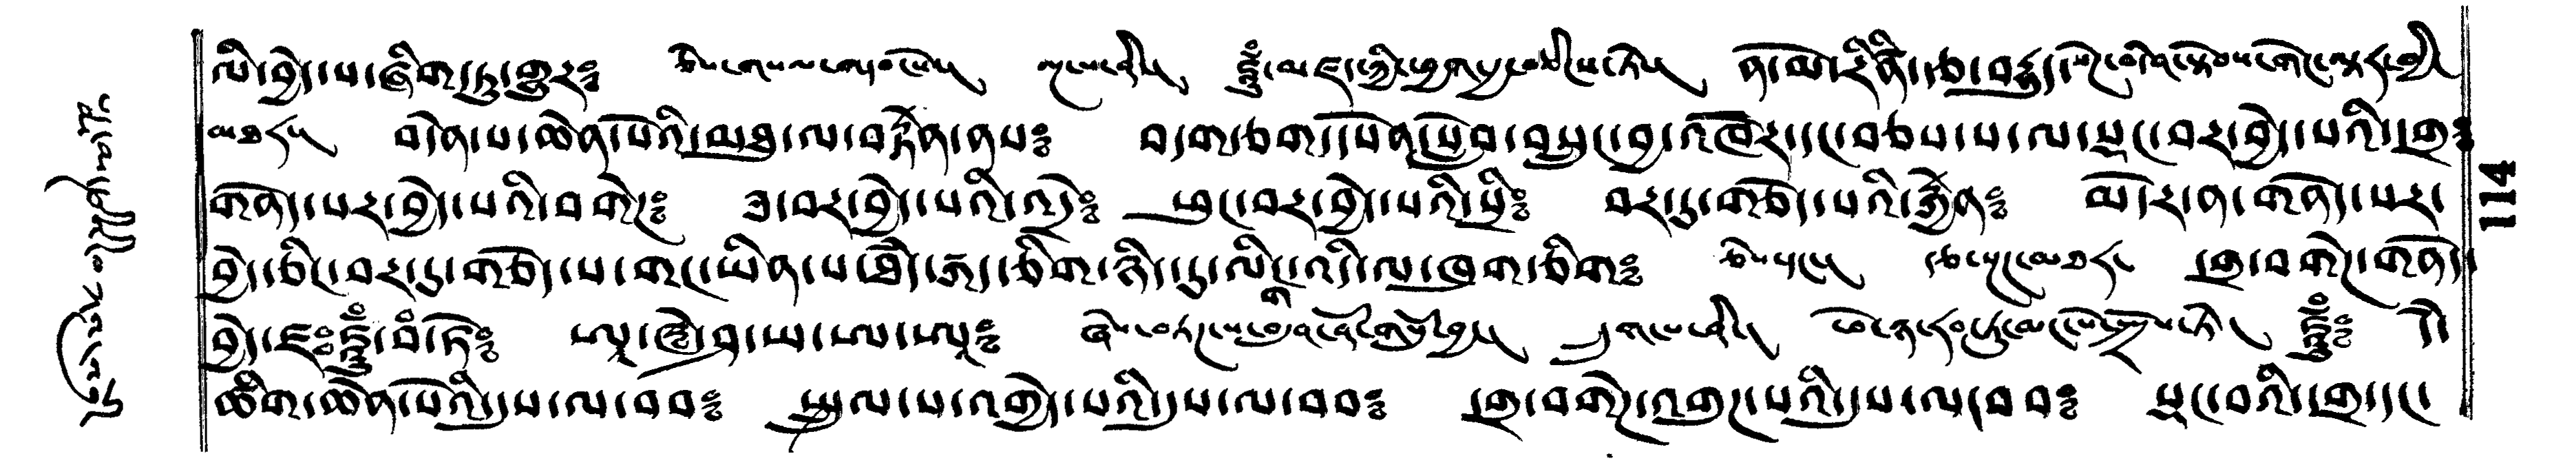ལི་བྱེད་པ་ཞིག་ཏུ་གྱུར༔ ཅེས་གསལ་གདབ་པོ། ལྔ་པ་ནི། ཧཱུྃ་མཛད་ཀྱི་ཕྱག་རྒྱ་བཅིངས་ཏེ། ན་མོ། རིན་འཛིན་རྩ་བརྒྱུད་སོགས་བདེན་སྟོབས་གོང་ལྟར་གྱི་
མཐར། བདེན་པ་ཆེན་པོའི་མཐུ་ལ་བརྟེན་ནས། བདག་ཅག་དཔོན་སློབ་བསྲུང་བྱ་འཁོར་དང་བཅས་པ་ལ་སྡང་བར་བྱེད་པའི་དགྲ། 
གནོད་པར་བྱེད་པའི་བགེགས། ཟ་བར་བྱེད་པའི་འདྲེ། ཕུང་བར་བྱེད་པའི་སྲི། བར་དུ་གཅོད་པའི་རྐྱེན། མདོར་ན་གནོད་པར་
བྱེད་ཅིང་བར་དུ་གཅོད་པ་གང་ཡིན་པ་ཐམས་ཅད་སྐད་ཅིག་ཉིད་དུ་ལིངྒ་འདི་ལ་ཁུག་ཅིགཅེས་དང་། རྩ་སྔགས་མཐར། དགྲ་བགེགས་གནོད་
བྱེད་ཛཿཧཱུྃ་བྃ་ཧོཿ ཨ་ཝེ་ཤ་ཡ་ཨ་ཨཱཿ ཞེས་བཏགས་པ་བདུན་ནམ་གསུམ་བྱ། དྲུག་པ་ནི། ཕོ་ཉ་རབ་ཏུ་མང་པོ་སྤྲོས་ཏེ། ཧཱུྃ༔ དམ་
ཚིག་ཆེན་པོའི་དུས་ལ་བབ༔ སྤྲུལ་པ་འགྱེད་པའི་དུས་ལ་བབ༔ དགྲ་བགེགས་འགུགས་པའི་དུས་ལ་བབ༔ སྡང་བའི་དགྲ་དང་